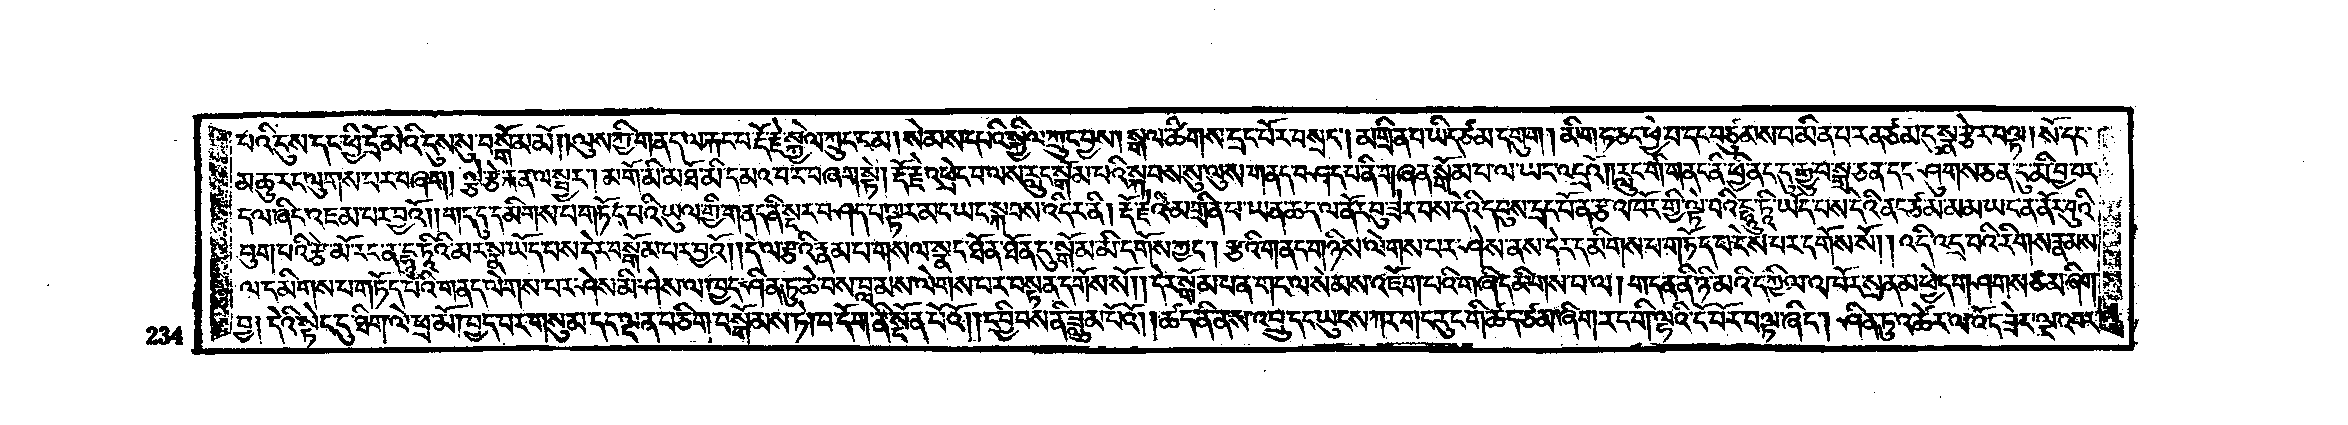པའི་དུས་དང་ཕྱི་དྲོ་མེའི་དུས་སུ་བསྒོམ་མོ། །ལུས་ཀྱི་གནད་ལ་རྐང་པ་རྡོ་རྗེ་སྐྱིལ་ཀྲུང་ངམ། སེམས་དཔའི་སྐྱིལ་ཀྲུང་བྱས། སྒལ་ཚིགས་དྲང་པོར་བསྲང་། མགྲིན་པ་ཡིད་ཙམ་དགུག །མིག་ཧ་ཅང་ཕྱེ་བ་དང་བཙུམས་པ་མིན་པ་རན་ཙམ་དུ་སྣ་རྩེར་བལྟ། སོ་དང་
མཆུ་རང་ལུགས་པར་བཞག །ལྕེ་རྩེ་རྐན་ལ་སྦྱར། མགོ་མི་མཐོ་མི་དམའ་བར་བཞག་སྟེ། རྡོ་རྗེ་འཕྲེང་བ་ལས་རླུང་སྒོམ་པའི་སྐབས་སུ་ལུས་གནད་བཤད་པ་ནི་གཞན་སྒོམ་པ་ལ་ཡང་འདྲའོ། །རླུང་གི་གནང་ནི་ཕྱི་ནང་དུ་རྒྱུ་བ་སྒྲ་ཅན་དང་ཤུགས་ཅན་དུ་མི་བྱ་བར་
དལ་ཞིང་འཇམ་པར་བྱའོ། །གང་དུ་དམིགས་པ་གཏོད་པའི་ཡུལ་གྱི་གནད་ནི་སྔར་བཤད་པ་ལྟར་མང་ཡང་སྐབས་འདིར་ནི། རྡོ་རྗེའི་མགྲིན་པ་ཡན་ཆད་ལ་ནོར་བུ་ཟེར་བས་དེའི་དབུས་དྲང་པོ་ན་རྩ་འཁོར་གྱི་ལྟེ་བའི་དྷཱུ་ཏཱི་ཡོད་པས་དེའི་ནང་ཙམ་མམ་ཡང་ན་ནོར་བུའི་
བུག་པའི་རྩེ་མོ་རང་ན་དྷཱུ་ཏཱིའི་མར་སྣ་ཡོད་པས་དེར་བསྒོམ་པར་བྱའོ། །དེ་ལ་རྩའི་རྣམ་པ་གསལ་སྣང་ཐོན་ཐོན་དུ་སྒོམ་མི་དགོས་ཀྱང་། རྩའི་གནང་གཉིས་ལེགས་པར་ཤེས་ནས་དེར་དམིགས་པ་གཏོད་པ་ངེས་པར་དགོས་སོ། །འདི་འདྲ་བའི་རིགས་རྣམས་
ལ་དམིགས་པ་གཏོད་པའི་གནད་ལེགས་པར་ཤེས་མི་ཤེས་ལ་ཁྱད་ཤིན་ཏུ་ཆེ་བས་བླ་མས་ལེགས་པར་བསྟན་དགོས་སོ། །དེར་སྒོམ་པ་ན་གང་ལ་སེམས་འཇོག་པའི་གཞི་དམིགས་པ་ལ། གདན་ནི་ཉི་མའི་དཀྱིལ་འཁོར་སྲན་མ་ཕྱེད་གཤགས་ཙམ་ཞིག་
བྱ། དེའི་སྟེང་དུ་ཐིག་ལེ་ཕྲ་མོ་ཁྱད་པར་གསུམ་དང་ལྡན་པ་ཅིག་བསྒོམས་ཏེ་ཁ་དོག་ནི་སྔོན་པོའོ། །དབྱིབས་ནི་ཟླུམ་པོའོ། །ཚད་ནི་ནས་འབྲུ་དང་ཡུངས་ཀར་གང་རུང་གི་ཚད་ཙམ་ཞིག་རང་གི་ལྷའི་ངོ་བོར་བལྟ་ཞིང་། ཤིན་ཏུ་འཚེར་ལ་འོད་ཟེར་ལྔ་འབར་